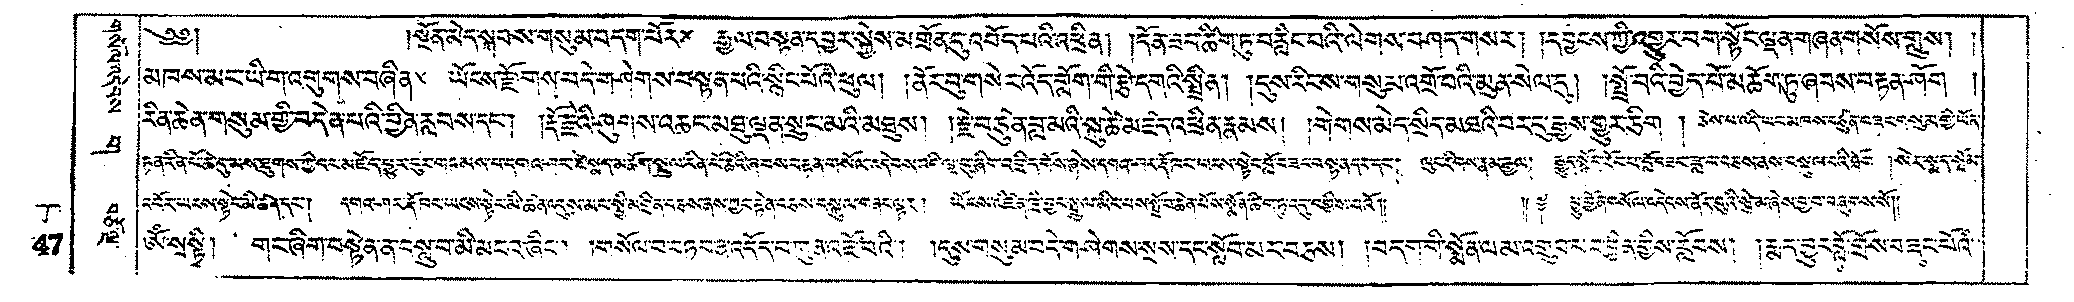༄༅། །སྔོན་མེད་སྐབས་གསུམ་བདག་པོར་྾་རྒྱལ་བསྟན་དབྱར་སྐྱེས་མགྲོན་དུ་འབོད་པའི་འཕྲིན། །དོན་ཟབ་ཚིག་ཏུ་བརླིང་བའི་ལེགས་བཤད་གསར། །དབྱངས་ཀྱི་འགྱུར་བག་སྟོང་ལྡན་གཞན་གསོས་གླུས། །
མཁས་མང་ཡིག་འགུགས་བཞིན་྾་ཡོངས་རྫོགས་བདེ་གཤེགས་བསྟན་པའི་སྙིང་པོའི་ཕུལ། །ནོར་བུ་གསེར་འོད་གློག་གི་རྩེ་དགའི་སྤྲིན། །དུས་རིང་ས་གསུམ་འགྲོ་བའི་མུན་སེལ་དུ། །སྤྲོ་བའི་བྱེད་པོ་མཆོག་ཏུ་ཞབས་བརྟན་ཤོག །
རིན་ཆེན་གསུམ་གྱི་བདེན་པའི་བྱིན་རླབས་དང་། །རྡོ་རྗེའི་ཤུགས་འཆང་མཐུ་ལྡན་སྲུང་མའི་མཐུས། །རྗེ་བཙུན་བླ་མའི་སྐུ་ཚེ་མཛད་འཕྲིན་རྣམས། །གེགས་མེད་སྲིད་མཐའི་བར་དུ་རྒྱས་གྱུར་ཅིག །ཅེས་འདི་ཡང་མཁས་བཙུན་བཟང་གསུམ་གྱི་ཡོན་
ཏན་རིན་པོ་ཆེ་དུ་མས་ཐུགས་ཀྱི་བང་མཛོད་ཕྱུར་བུར་གཏམས་པ་དགའ་ཤར་ཛེ་སྨད་མཆོག་སྤྲུལ་རིན་པོ་ཆེའི་ཞབས་བརྟན་གསོལ་འདེབས་འདི་ལྟ་བུ་ཞིག་འབྲི་དགོས་ཞེས་དགའ་ཤར་རྡོ་ཁང་ཡངས་སྟེང་བློ་བཟང་བསྟན་དར་དང་། ལུང་རིགས་རྣམ་རྒྱལ། རྒྱུད་སྟོད་རོང་པ་བློ་བཟང་ཟླ་བ་བཅས་ནས་བསྐུལ་པའི་ཐོག །སེར་སྨད་སྤོམ་
འབོར་ཡངས་སྟེང་མི་ཚན་དང་། དགའ་ཤར་རྡོ་ཁང་ཡངས་སྟེང་མི་ཚན་འདུས་མང་སྤྱི་མགྲིན་བཅས་ནས་ཀྱང་རྟེན་བཅས་བསྐུལ་གནང་ལྟར། ཡོངས་འཛིན་ཁྲི་བྱང་སྤྲུལ་མིང་པས་སྤྲོ་བ་ཆེན་པོས་སྨོན་ཚིག་ཏུ་འདུ་བགྱིས་པའོ།། །། འ་མྱུ་བྱོན་གསོལ་འདེབས་ནོར་བུའི་སྙེ་མ་ཞེས་བྱ་བ་བཞུགས་སོ།།
ཨོཾ་སྭསྟྭི། གང་ཞིག་བསྟེན་ན་བསླུ་བ་མི་མངའ་ཞིང་། །གསོལ་བ་བཏབ་ན་འདོད་པ་ཀུན་འཇོ་བའི། །དུས་གསུམ་བདེ་གཤེགས་སྲས་དང་སློབ་མར་བཅས། །བདག་གི་སྨོན་ལམ་འགྲུབ་པར་བྱིན་གྱིས་རློབས། །རྨད་བྱུང་བློ྾་གྲོས་བཟང྾་པོའི་་་